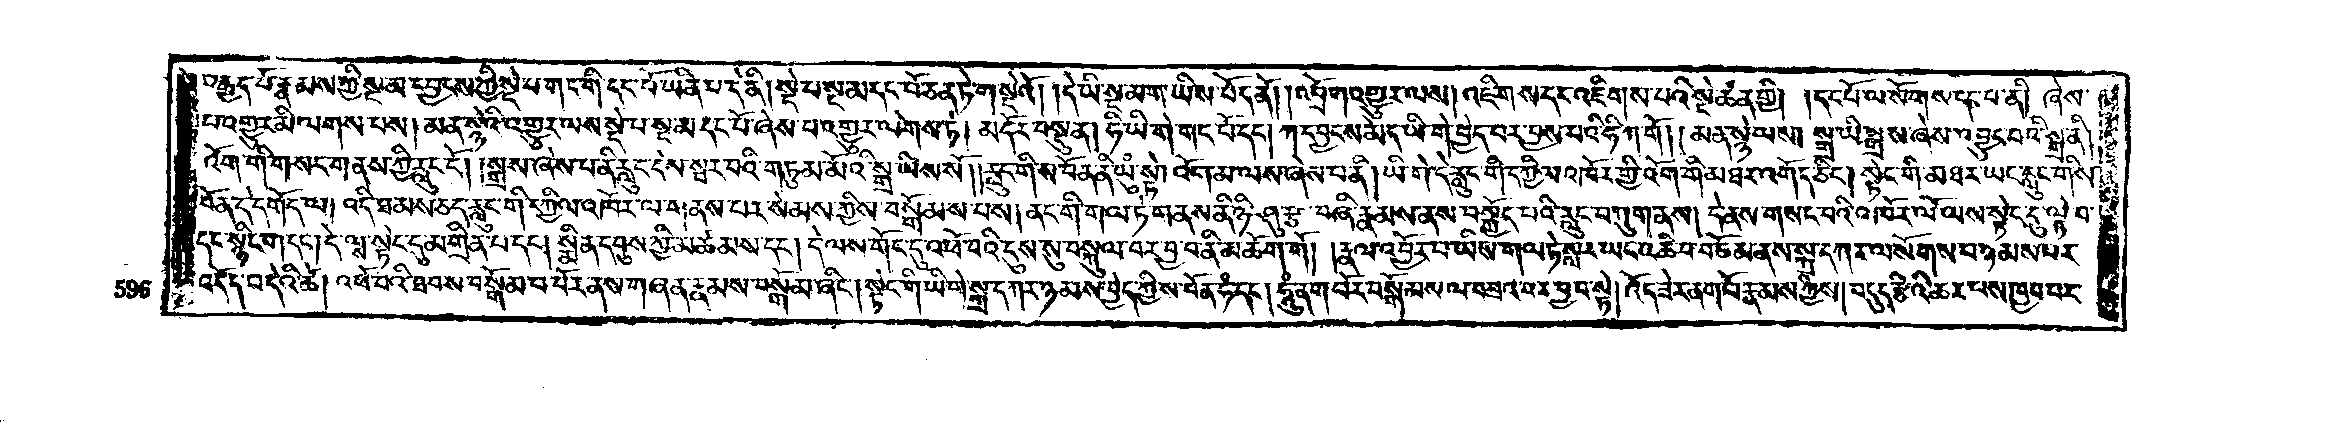བརྒྱད་པོ་རྣམས་ཀྱི་སྔ་མ་དབྱངས་ཀྱི་སྡེ་པ་གང་གི་དང་པོ་ཡིན་པ་དེ་ནི། སྡེ་པ་སྔ་མ་དང་པོ་ཅན་ཏེ་ག་སྡེའོ། །དེ་ཡི་སྔ་མག་ཡིས་བོད་ནོ། །འབྲོག་འགྱུར་ལས། འཇིགས་དང་འཇིགས་པའི་སྡེ་ཚན་གྱི། །དང་པོ་ལ་སོགས་དང་པ་ནི། ཞེས་
པ་འགྱུར་མི་ལགས་པས། མན་སྙེའི་འགྱུར་ལས་སྡེ་པ་སྔ་མ་དང་པོ་ཞེས་པ་འགྱུར་ལེགས་ཏེ། མདོར་བསྡུ་ན། ཧི་ཡི་གེ་གང་པོ་དང་། ཀ་དབྱངས་མེད་ཡི་གེ་བྱེད་པར་བྱས་པའི་ཧི་ཀ་གོ ། །མན་སྙེ་ལས། སྒྲ་ཡི་སྒྲས་ཞེས་འབྱུང་བའི་སྒྲ་ནི།
འོག་གི་གསང་གནས་ཀྱི་རླུང་ངོ། །སྒྲས་ཞེས་པ་ནི་རླུང་དེས་སྦར་བའི་གཏུམ་མོའི་སྒྲ་ཡིས་སོ། །རླུང་གི་ས་བོན་ནི་ཡུཾ་སྟེ། འོག་མ་ལས་ཞེས་པ་ནི། ཡི་གེ་དེ་རླུང་གི་དཀྱིལ་འཁོར་གྱི་འོག་གི་མཐར་འགོད་ཅིང་། སྟེང་གི་མཐར་ཡང་རླུང་གིས་
བོན་དེ་དགོད་ལ། འདི་ཐམས་ཅད་རླུང་གི་དཀྱིལ་འཁོར་ལ་གནས་པར་སེམས་ཀྱིས་བསྒོམས་པས། ནང་གི་གལ་ཏེ་གནས་ནི་ཉི་ཤུ་རྩ་བཞི་རྣམས་ནས་བསྐྱོད་པའི་རླུང་བཀུག་ནས། དེ་ནས་གསང་བའི་འཁོར་ལོ་ལས་སྟེང་དུ་ལྟེ་བ་
དང་སྙིང་ག་དང་། དེ་ལས་སྟེང་དུ་མགྲིན་པ་དང་། སྨིན་དབུས་ཀྱི་མཚམས་དང་། དེ་ལས་གོང་དུ་འཕོ་བའི་དུས་སུ་བསྐུལ་བར་བྱ་བ་ནི་མཆོག་གོ །རྣལ་འབྱོར་པ་ཡིས་གལ་ཏེ་སླར་ཡང་འཆི་བ་བཅོམ་ནས་སྐྲ་དཀར་ལ་སོགས་པ་ཉམས་པར་
འདོད་བདེའི་ཚེ། འཕོ་བའི་ཐབས་བསྒོམ་པ་པོར་ནས་གཞན་རྣམས་བསྒོམ་ཞིང་། སྟེང་གི་ཡི་གེ་སྐྲ་དཀར་ཉམས་བྱེད་ཀྱི་ས་བོན་ཧཾ་དང་། ཧཱུཾ་ནག་པོར་བསྒོམས་ལ་བཟའ་བར་བྱ་བ་སྟེ། འོད་ཟེར་ནག་པོ་རྣམས་ཀྱིས། བདུད་རྩིའི་ཆར་པས་ཁྱབ་པར་